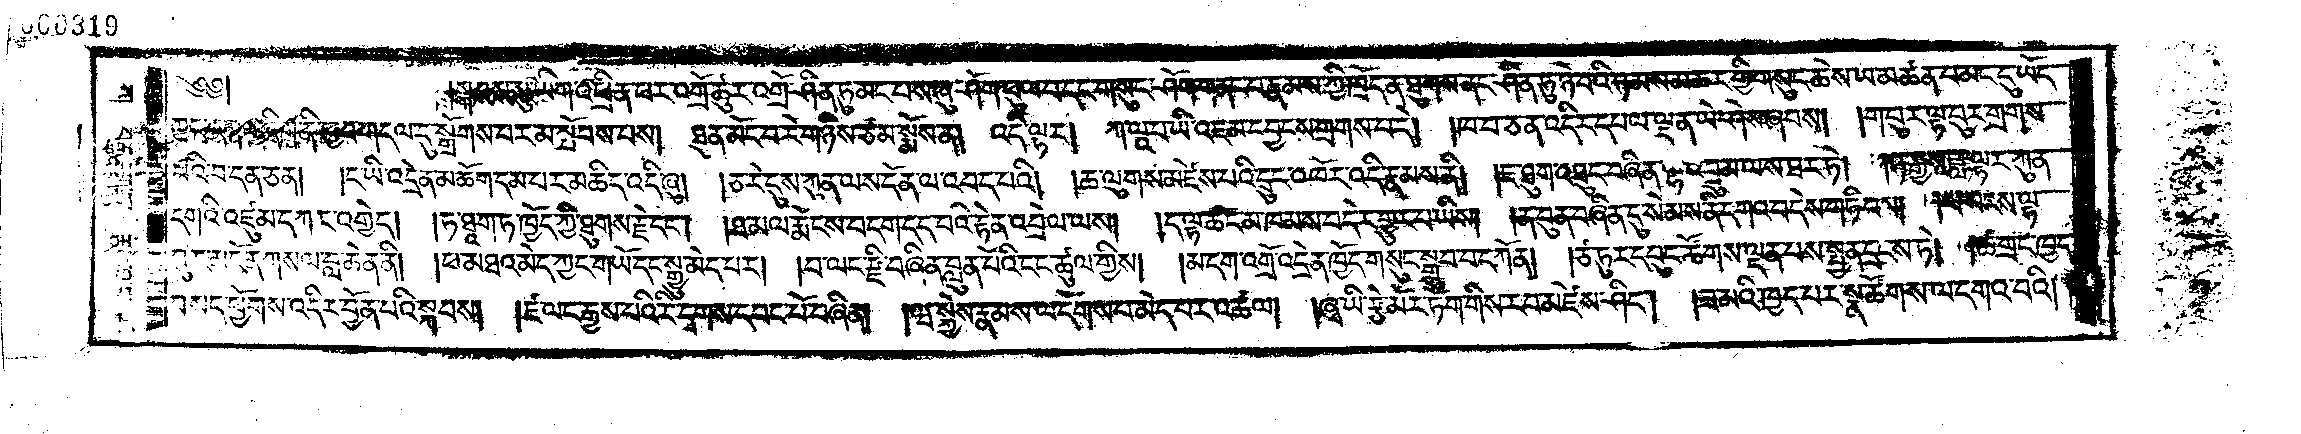༄༅། །སྐབས་སུ་ཡིག་འཕྲིན་ཕར་འགྲོ་ཚུར་འགྲོ་ཤིན་ཏུ་མང་པས་ཞུ་ཤོག་ཕུལ་བ་དང་གསུང་ཤོག་གནང་བ་རྣམས་ཀྱི་ཁྲོད་ན་ཐུགས་ནང་ཤིན་ཏུ་ཉེ་བའི་ཉམས་མཆར་གྱི་གསུང་ཆེས་ཡ་མཚན་པ་མང་དུ་ཡོད་
ཀྱང་འགའ་ཞིག་ནི་ཁྱབ་གདལ་དུ་སྒྲོགས་པར་མ་སྤོབས་པས། ཐུན་མོང་བ་རེ་གཉིས་ཙམ་སྨོས་ན། འདི་ལྟར། ཀ་ལཱ་པ་ཡི་འཇམ་དབྱངས་གྲགས་པ་དེ། །ཁ་བ་ཅན་འདིར་དཔལ་ལྡན་ཡེ་ཤེས་ཞབས། །ག་བུར་ལྟ་བུར་གྲགས་
པའི་བ་དན་ཅན། །ང་ཡི་འདྲེན་མཆོག་དམ་པར་མཆིད་འདི་ཞུ། །ཅ་རེ་དུས་ཀུན་ལས་དོན་ལ་འབད་པའི། །ཆ་ལུགས་མཛེས་པའི་དྲུང་འཁོར་འདི་རྣམས་ནི། །ཇ་ཐུག་འཐུང་བཞིན་ལྷ་འབྲུམ་ལས་ཐར་ཏེ། །ཉ་རྒྱས་ཟླ་ལྟར་ཀུན་
དགའི་འཛུམ་དཀར་འགྱེད། །ཏ་ཐཱ་ག་ཏ་ཁྱོད་ཀྱི་ཐུགས་རྗེ་དང་། །ཐ་མལ་རྨོངས་པ་དག་དད་བའི་རྟེན་འབྲེལ་ལས། །ད་ལྟ་ཚང་མ་ཁམས་བདེར་གྱུར་པ་ཡིས། །ན་བུན་བཞིན་དུ་སེམས་ནི་དགའ་བདེས་གཏིབས། །པ་སངས་ལྟ་
བུར་མངོན་གསལ་བླ་ཆེན་ནི། །ཕ་མཐའ་མེད་ཀྱང་གཡོ་དང་སྒྱུ་མེད་པར། །བ་ལང་རྫི་བཞིན་བླུན་པོའི་ངང་ཚུལ་གྱིས། །མ་དག་འགྲོ་འདྲེན་ཁྱོད་གསུང་སྒྲུབ་པ་དཀོན། །ཙ་ཏུར་དབུང་ཚོགས་ལྡན་པས་སྤྱན་དྲངས་ཏེ། །ཚ་གྲང་ཁྱད་
བསད་ཕྱོགས་འདིར་བྱོན་པའི་སྐབས། །ཛ་ལང་རྒྱས་པའི་རི་དྭགས་དབང་པོ་བཞིན། །ཝ་སྐྱེས་རྣམས་ལ་དོགས་པ་མེད་པར་འཚལ། །ཞྭ་ཡི་རྩེ་མོར་ཏོག་གིས་རབ་མཛེས་ཤིང་། །ཟ་མའི་ཁྱད་པར་སྣ་ཚོགས་ལ་དགའ་བའི། །